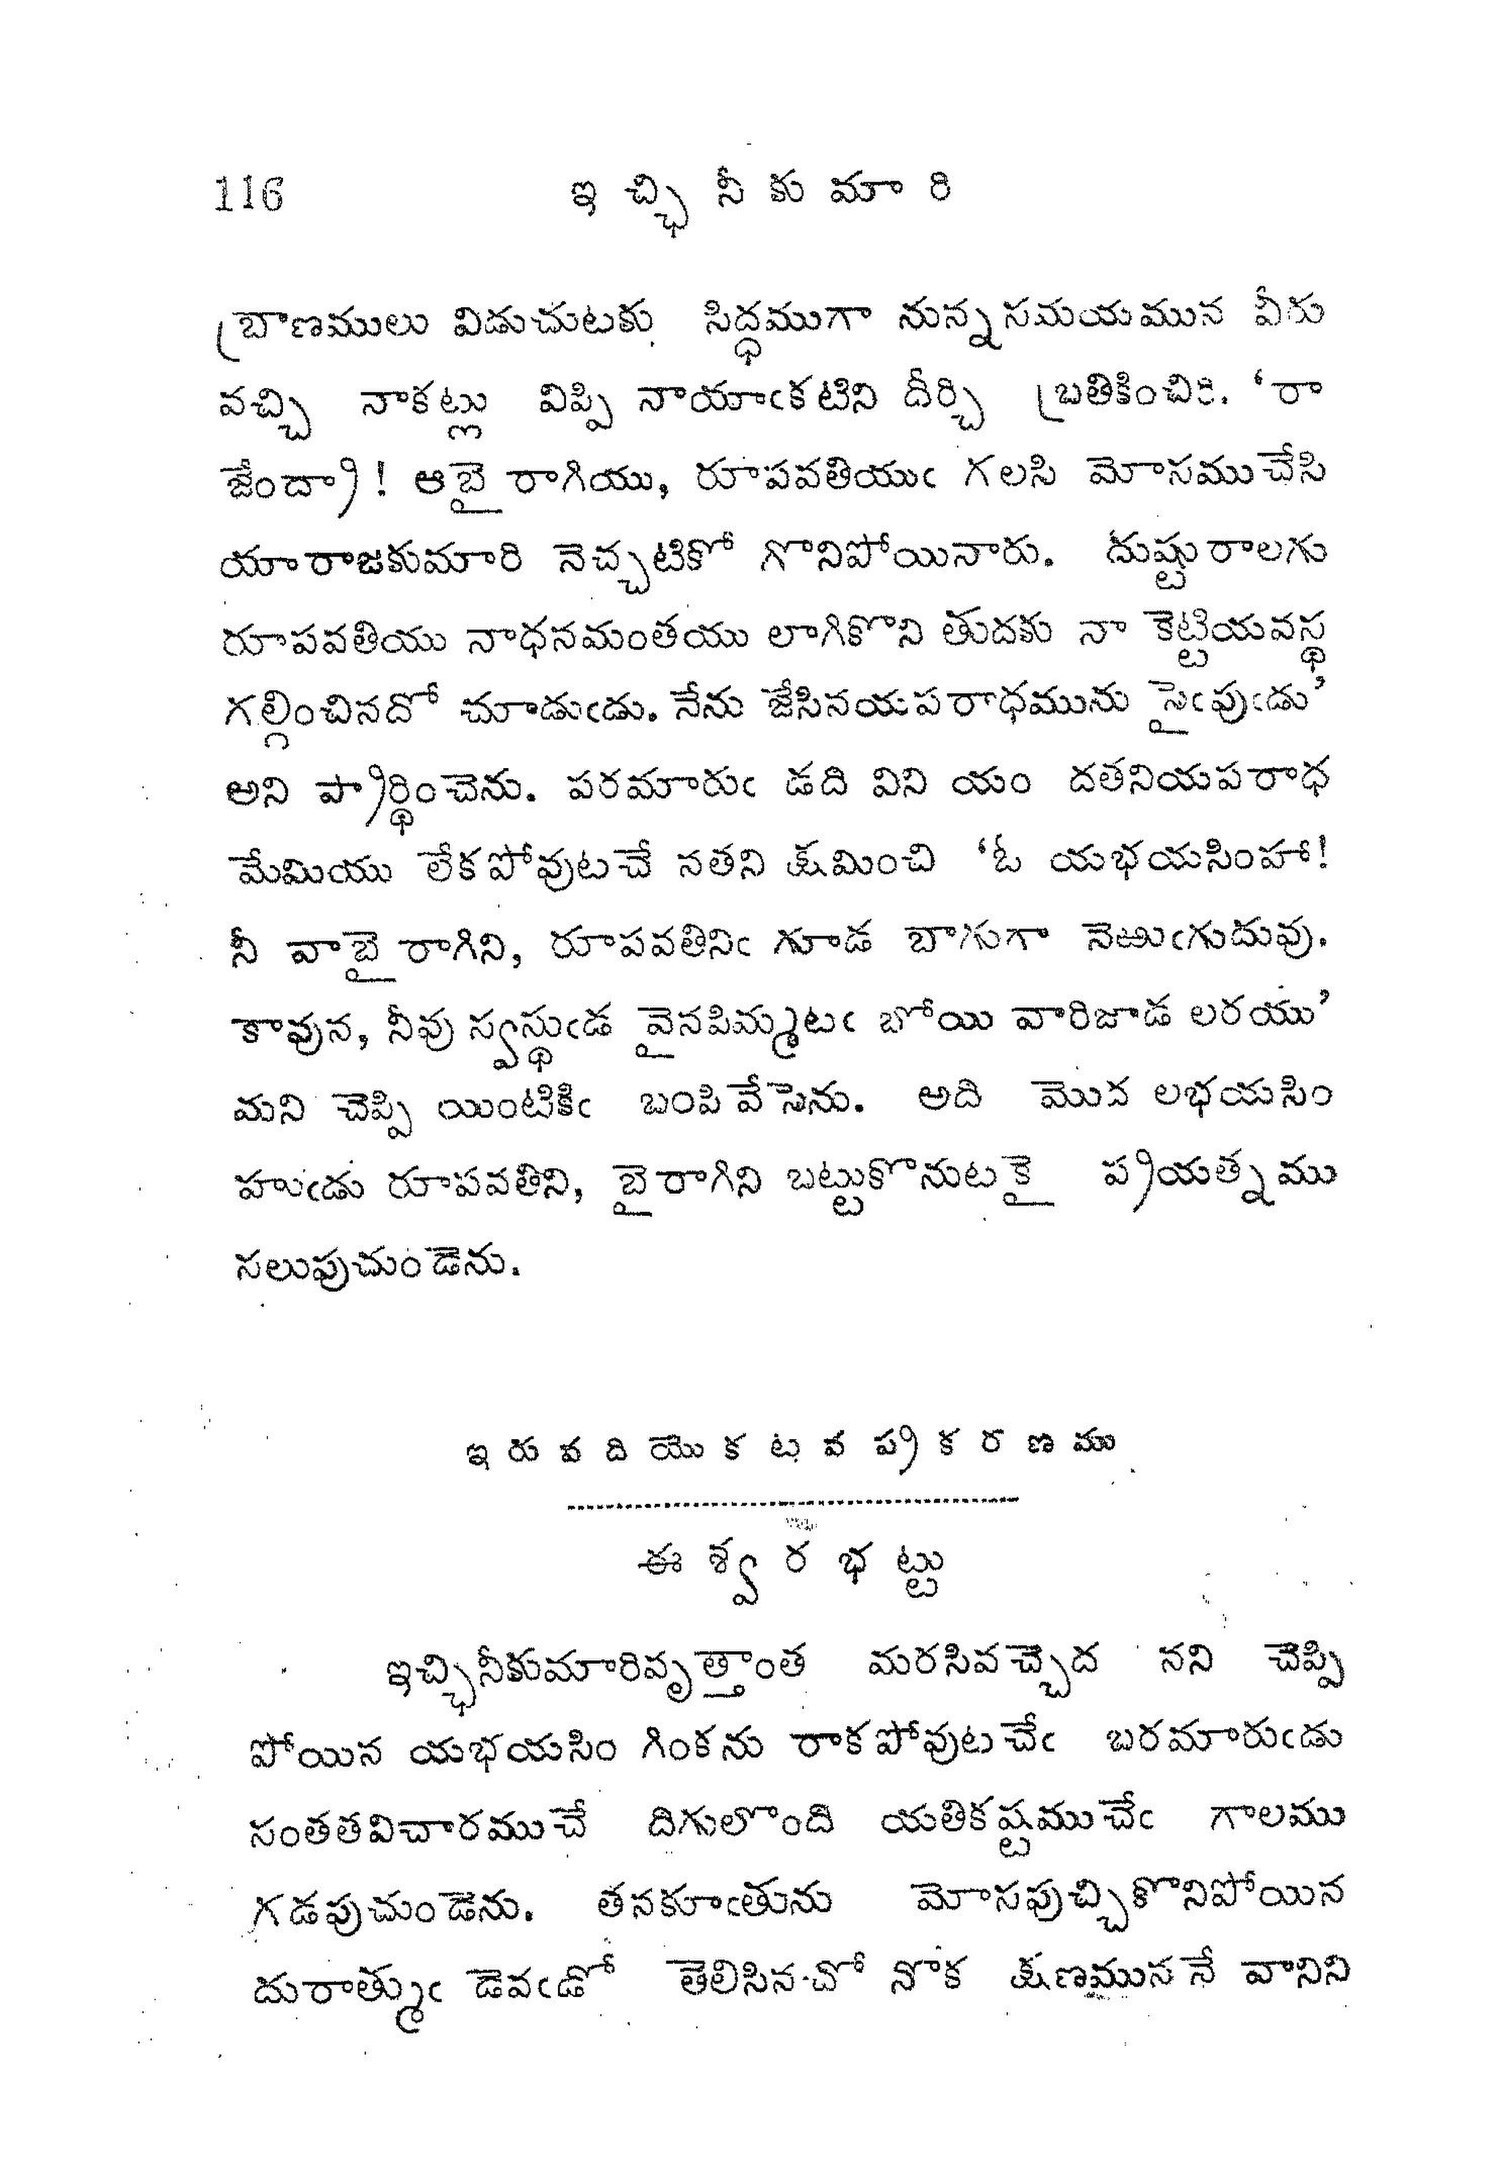బ్రాణములు విడుచుటకు సిద్ధముగా నున్న సమయమున వీరు వచ్చి నాకట్లు విప్పి నాయాఁకటిని దీర్చి బ్రతికించిరి. “రా జేంద్రా ! ఆ బై రాగియు, రూపవతియుఁ గలసి మోసము చేసి యా రాజకుమారి నెచ్చటికో గొనిపోయినారు. దుష్టు రాలగు రూపవతియు నాధనమంతయు లాగికొని తుదకు నా కెట్టియవస్థ గల్గించినదో చూడుఁడు. నేను జేసినయపరాధమును సైఁపుఁడు' అని ప్రార్థించెను. పరమారుఁ డది విని యం దతనియపరాధ మేమియు లేక పోవుట చే నతని క్షమించి 'ఓ యభయసింహా! నీ వాబై రాగిని, రూపవతినిఁ గూడ బాగుగా నెఱుఁగుదువు. కావున, నీవు స్వస్థుఁడ వైనపిమ్మటఁ బోయి వారిజాడ లరయు' మని చెప్పి యింటికిఁ బంపి వేసెను. అది మొద లభయసిం హుఁడు రూపవతీని, బైరాగిని బట్టుకొనుటకై ప్రయత్నము సలుపుచుండెను.

ఇచ్ఛినీకుమారి వృత్తాంత మరసివచ్చేద " నని చెప్పి పోయిన యభయసిం గింకను రాక పోవుట చేఁ బరమారుఁడు సంతతవిచారముచే దిగులొంది యతికష్టము చేఁ గాలము గడపుచుండెను. తనకూతును మోసపుచ్చి కొనిపోయిన దురాత్ముఁ డెవఁడో తెలిసిన చో నొక క్షణమున నే వానిని